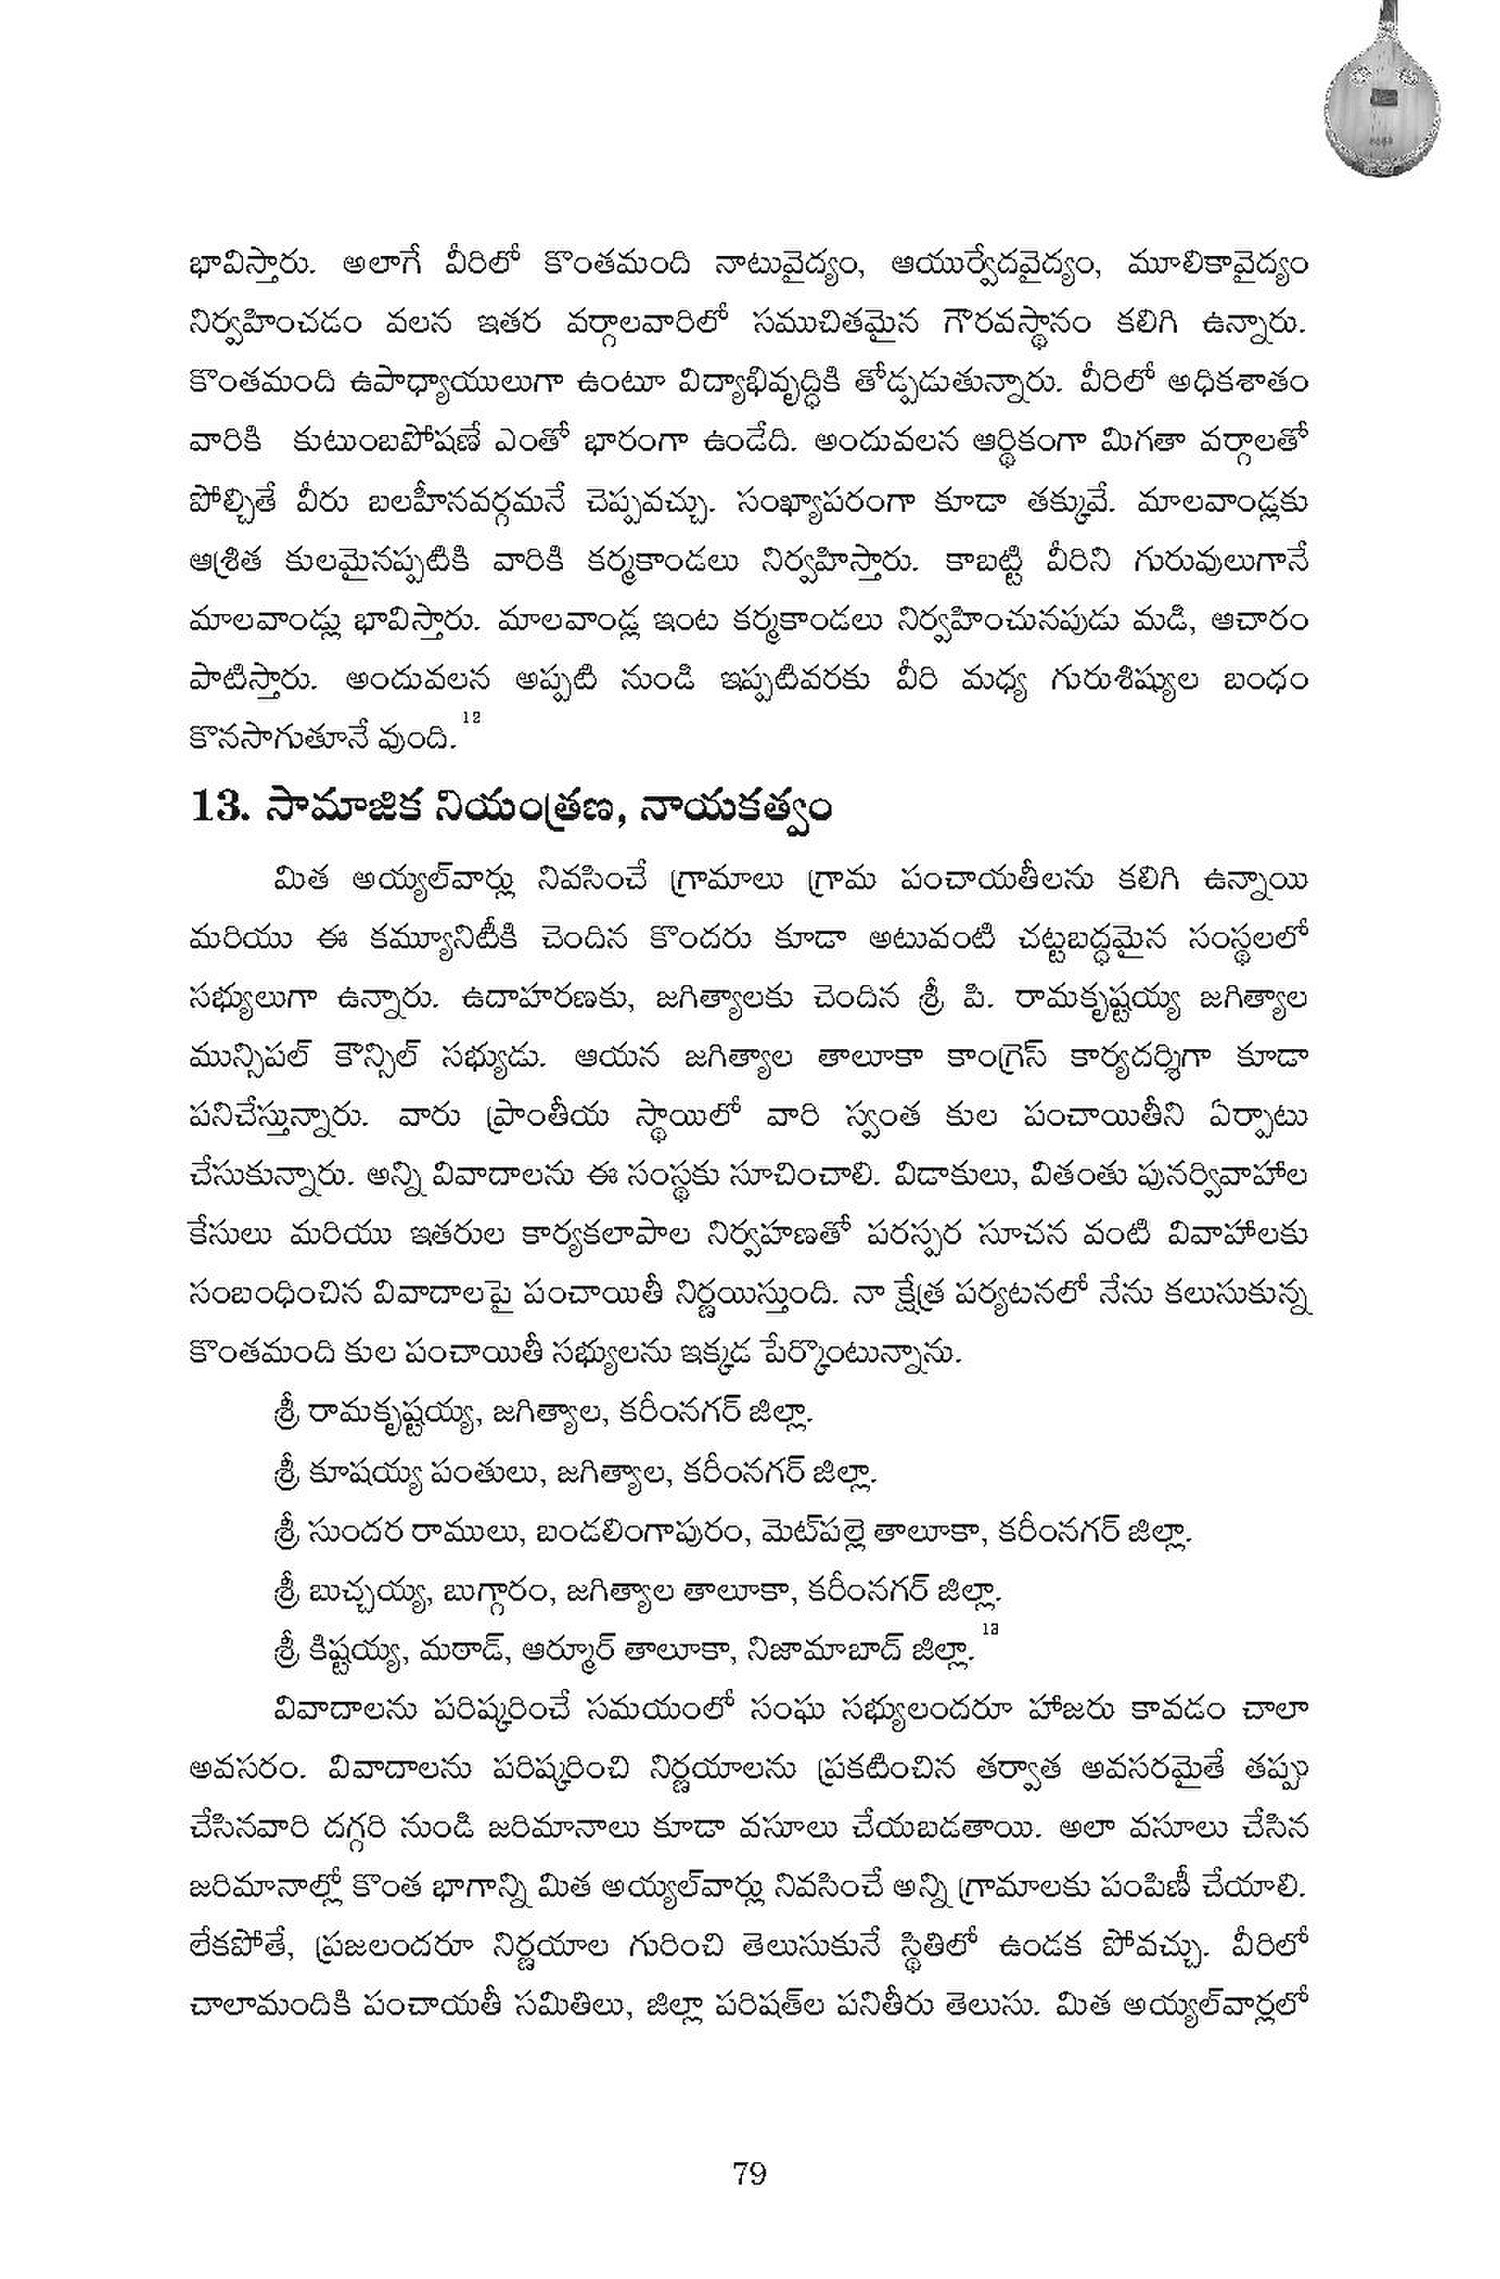భావిస్తారు. అలాగే వీరిలో కొంతమంది నాటువైద్యం, ఆయుర్వేదవైద్యం, మూలికా వైద్యం నిర్వహించడం వలన ఇతర వర్గాలవారిలో సముచితమైన గౌరవస్థానం కలిగి ఉన్నారు. కొంతమంది ఉపాధ్యాయులుగా ఉంటూ విద్యాభివృద్ధికి తోడ్పడుతున్నారు. వీరిలో అధికశాతం వారికి కుటుంబపోషణే ఎంతో భారంగా ఉండేది. అందువలన ఆర్థికంగా మిగతా వర్గాలతో పోల్చితే వీరు బలహీనవర్గమనే చెప్పవచ్చు. సంఖ్యాపరంగా కూడా తక్కువే. మాలవాండ్లకు ఆశ్రిత కులమైనప్పటికి వారికి కర్మకాండలు నిర్వహిస్తారు. కాబట్టి వీరిని గురువులుగానే మాలవాండ్లు భావిస్తారు. మాలవాండ్ల ఇంట కర్మకాండలు నిర్వహించునపుడు మడి, ఆచారం పాటిస్తారు. అందువలన అప్పటి నుండి ఇప్పటివరకు వీరి మధ్య గురుశిష్యుల బంధం
కొనసాగుతూనే వుంది.12

13. సామాజిక నియంత్రణ, నాయకత్వం 

మిత అయ్యల్వార్లు నివసించే గ్రామాలు గ్రామ పంచాయతీలను కలిగి ఉన్నాయి. మరియు ఈ కమ్యూనిటీకి చెందిన కొందరు కూడా అటువంటి చట్టబద్ధమైన సంస్థలలో సభ్యులుగా ఉన్నారు. ఉదాహరణకు, జగిత్యాలకు చెందిన శ్రీ పి. రామకృష్ణయ్య జగిత్యాల మున్సిపల్ కౌన్సిల్ సభ్యుడు. ఆయన జగిత్యాల తాలూకా కాంగ్రెస్ కార్యదర్శిగా కూడా పనిచేస్తున్నారు. వారు ప్రాంతీయ స్థాయిలో వారి స్వంత కుల పంచాయితీని ఏర్పాటు చేసుకున్నారు. అన్ని వివాదాలను ఈ సంస్థకు సూచించాలి. విడాకులు, వితంతు పునర్వివాహాల కేసులు మరియు ఇతరులు కార్యకలాపాల నిర్వహణతో పరస్పర సూచన వంటి వివాహాలకు సంబంధించిన వివాదాలపై పంచాయితీ నిర్ణయిస్తుంది. నా క్షేత్ర పర్యటనలో నేను కలుసుకున్న
కొంతమంది కుల పంచాయితీ సభ్యులను ఇక్కడ పేర్కొంటున్నాను.

శ్రీ రామకృష్ణయ్య, జగిత్యాల, కరీంనగర్ జిల్లా.
శ్రీ కూషయ్య పంతులు, జగిత్యాల, కరీంనగర్ జిల్లా.
శ్రీ సుందర రాములు, బండలింగాపురం, మెట్పల్లె తాలూకా, కరీంనగర్ జిల్లా.
శ్రీ బుచ్చయ్య, బుగ్గారం, జగిత్యాల తాలూకా, కరీంనగర్ జిల్లా.
శ్రీ కిష్టయ్య, మఠాడ్, ఆర్మూర్ తాలూకా, నిజామాబాద్ జిల్లా.13

వివాదాలను పరిష్కరించే సమయంలో సంఘ సభ్యులందరూ హాజరు కావడం చాలా అవసరం. వివాదాలను పరిష్కరించి నిర్ణయాలను ప్రకటించిన తర్వాత అవసరమైతే తప్పు చేసినవారి దగ్గరి నుండి జరిమానాలు కూడా వసూలు చేయబడతాయి. అలా వసూలు చేసిన జరిమానాల్లో కొంత భాగాన్ని మిత అయ్యల్వార్లు నివసించే అన్ని గ్రామాలకు పంపిణీ చేయాలి. లేకపోతే, ప్రజలందరూ నిర్ణయాల గురించి తెలుసుకునే స్థితిలో ఉండక పోవచ్చు. వీరిలో చాలామందికి పంచాయతీ సమితిలు, జిల్లా పరిషత్ల పనితీరు తెలుసు. మిత అయ్యల్వార్లలో